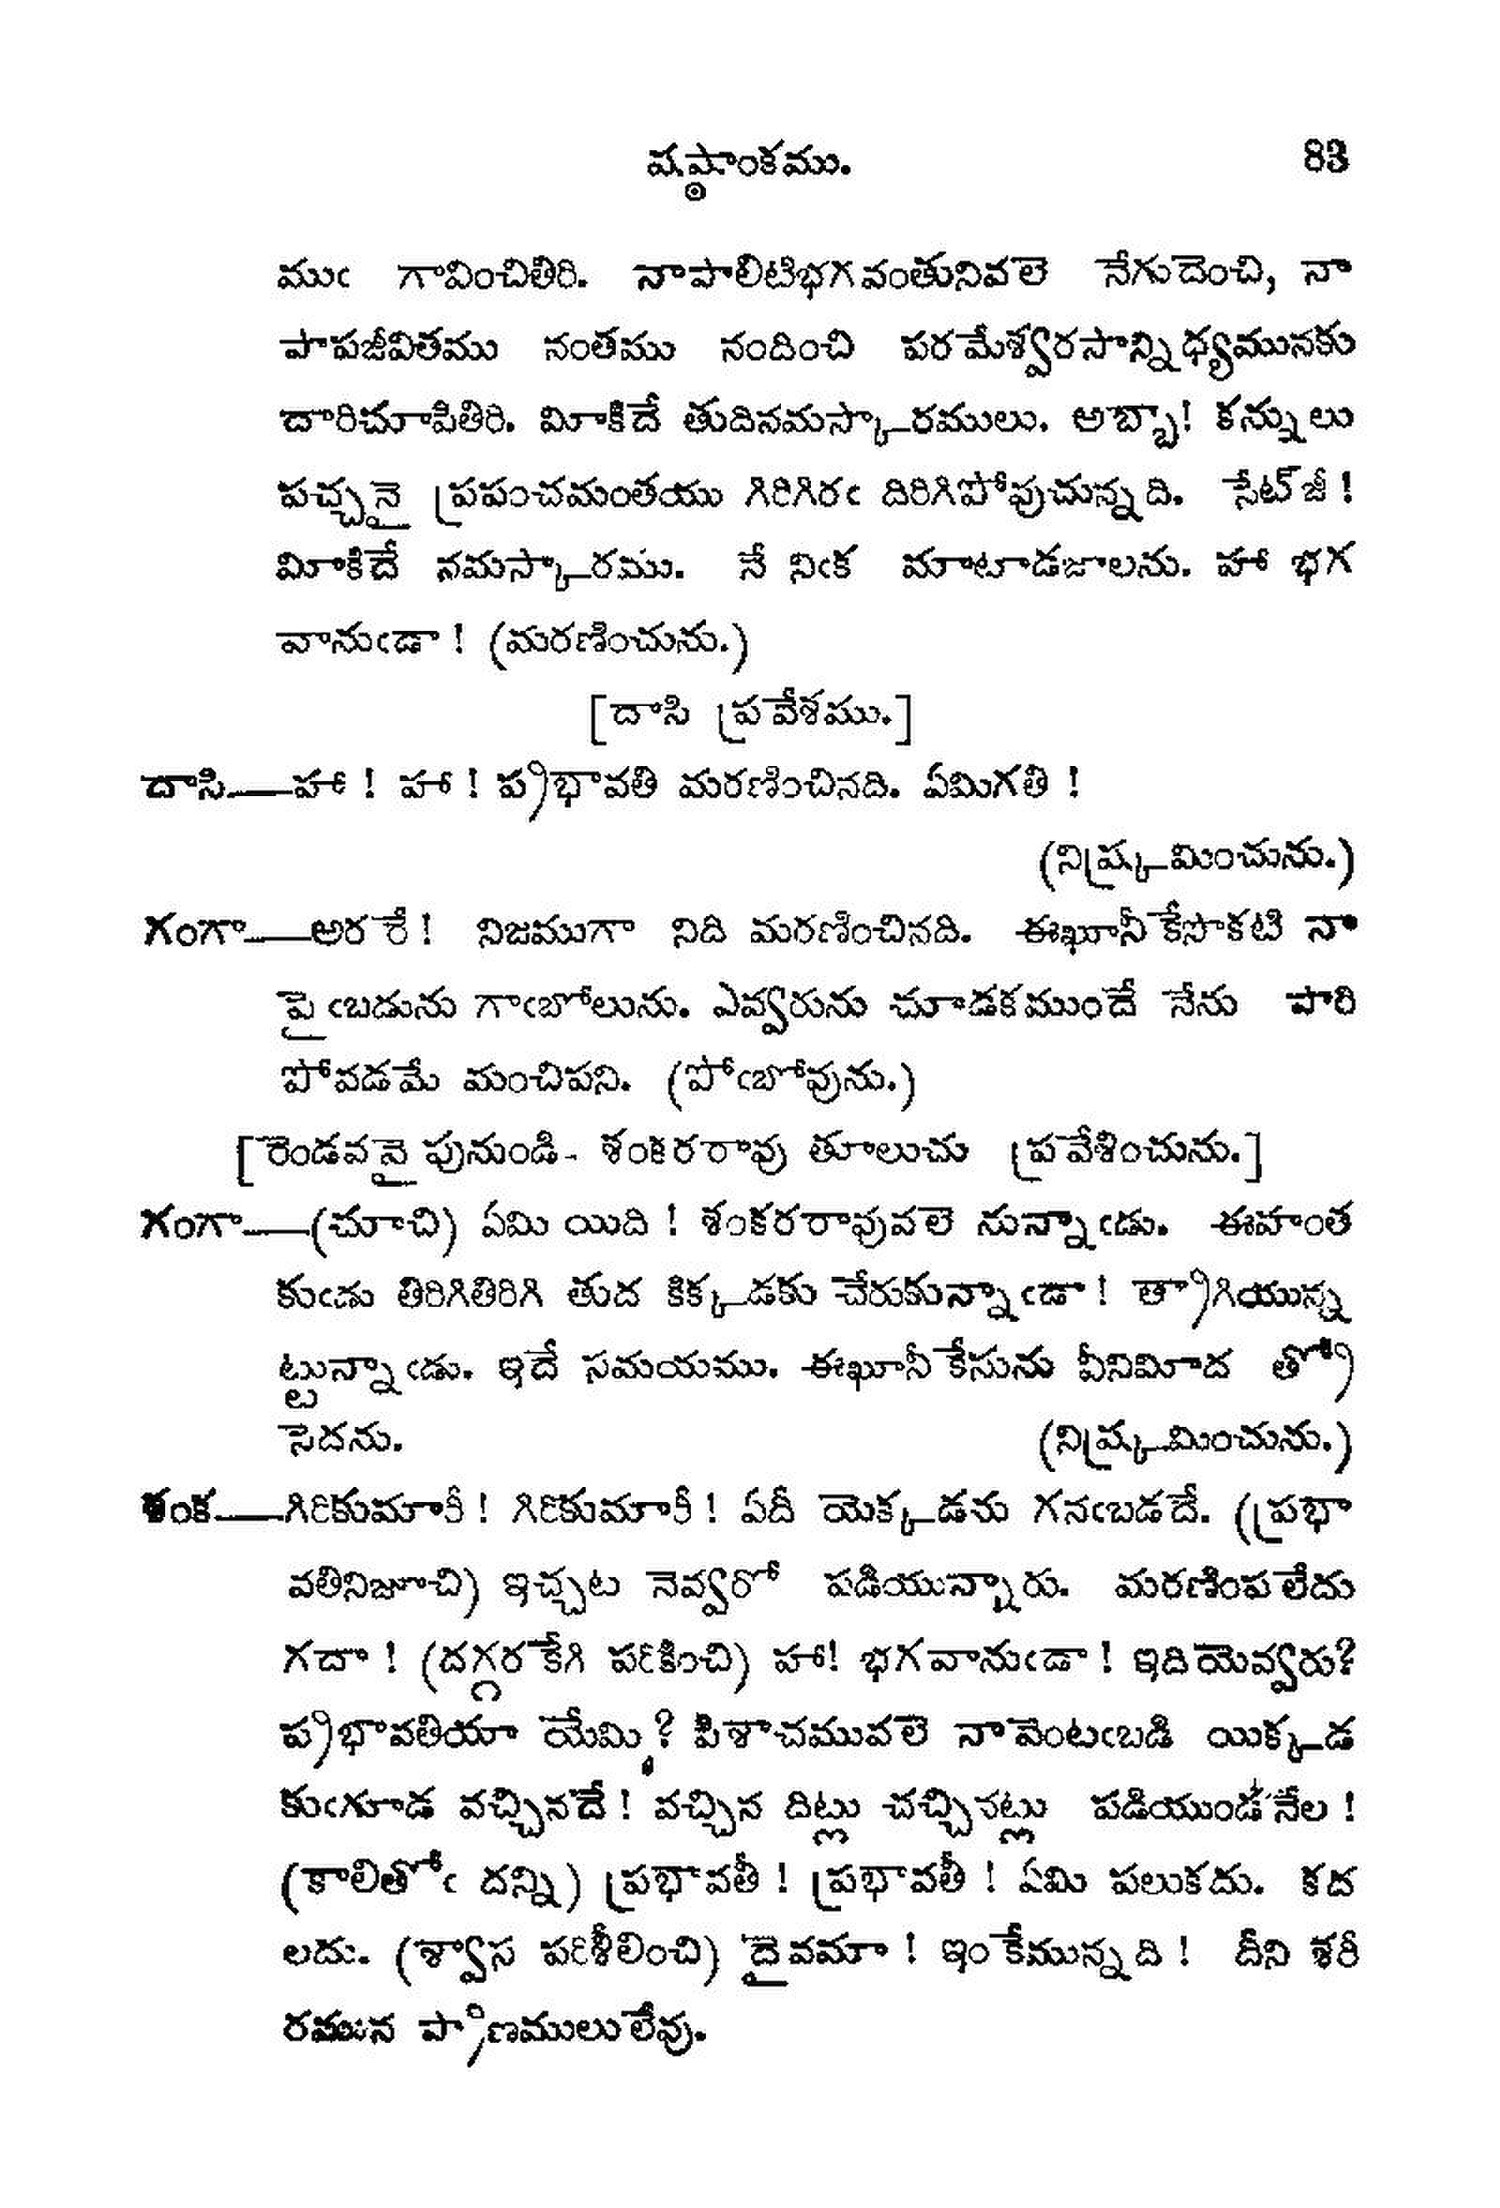ముఁ గావించితిరి. నాపాలిటిభగవంతునివలె నేగుదెంచి, నా పాపజీవితము నంతము నందించి పరమేశ్వరసాన్నిధ్యమునకు దారిచూపితిరి. మీకిదే తుదినమస్కారములు. అబ్బా! కన్నులు పచ్చనై ప్రపంచమంతయు గిరిగిరఁ దిరిగిపోవుచున్నది. సేట్‌జీ ! మీకిదే నమస్కారము. నే నిఁక మాటాడజూలను. హా భగవానుఁడా! (మరణించును.)

దాసి - హా ! హా ! ప్రభావతి మరణించినది. ఏమిగతి !

గంగా - అర రే! నిజముగా నిది మరణించినది. ఈఖూనీ కేసొకటి నాపైఁబడును గాఁబోలును. ఎవ్వరును చూడకముందే నేను పారిపోవడమే మంచిపని. (పోఁబోవును.)

గంగా -- (చూచి) ఏమి యిది ! శంకరరావువలె నున్నాఁడు. ఈహంతకుఁడు తిరిగితిరిగి తుద కిక్కడకు చేరుకున్నాఁడా! తాగియున్నట్టున్నాఁడు. ఇదే సమయము. ఈఖూనీ కేసును వీనిబాద త్రోసెదను.

శంక - గిరికుమారీ ! గిరికుమారీ ! ఏదీ యెక్కడను గనఁబడదే. (ప్రభావతినిజూచి) ఇచ్చట నెవ్వరో పడియున్నారు. మరణింపలేదు గదా ! (దగ్గరకేగి పరికించి) హా! భగవానుఁడా ! ఇదియెవ్వరు?
ప్రభావతియా యేమి ? పిశాచమువలె నావెంటఁబడి యిక్కడకుఁగూడ వచ్చినదే ! వచ్చిన దిట్లు చచ్చినట్లు పడియుండనేల ! (కాలితోఁ దన్ని) ప్రభావతీ ! ప్రభావతీ ! ఏమి పలుకదు. కదలదు. (శ్వాస పరిశీలించి) దైవమా ! ఇంకేమున్నది ! దీని శరీరమున ప్రాణములులేవు.